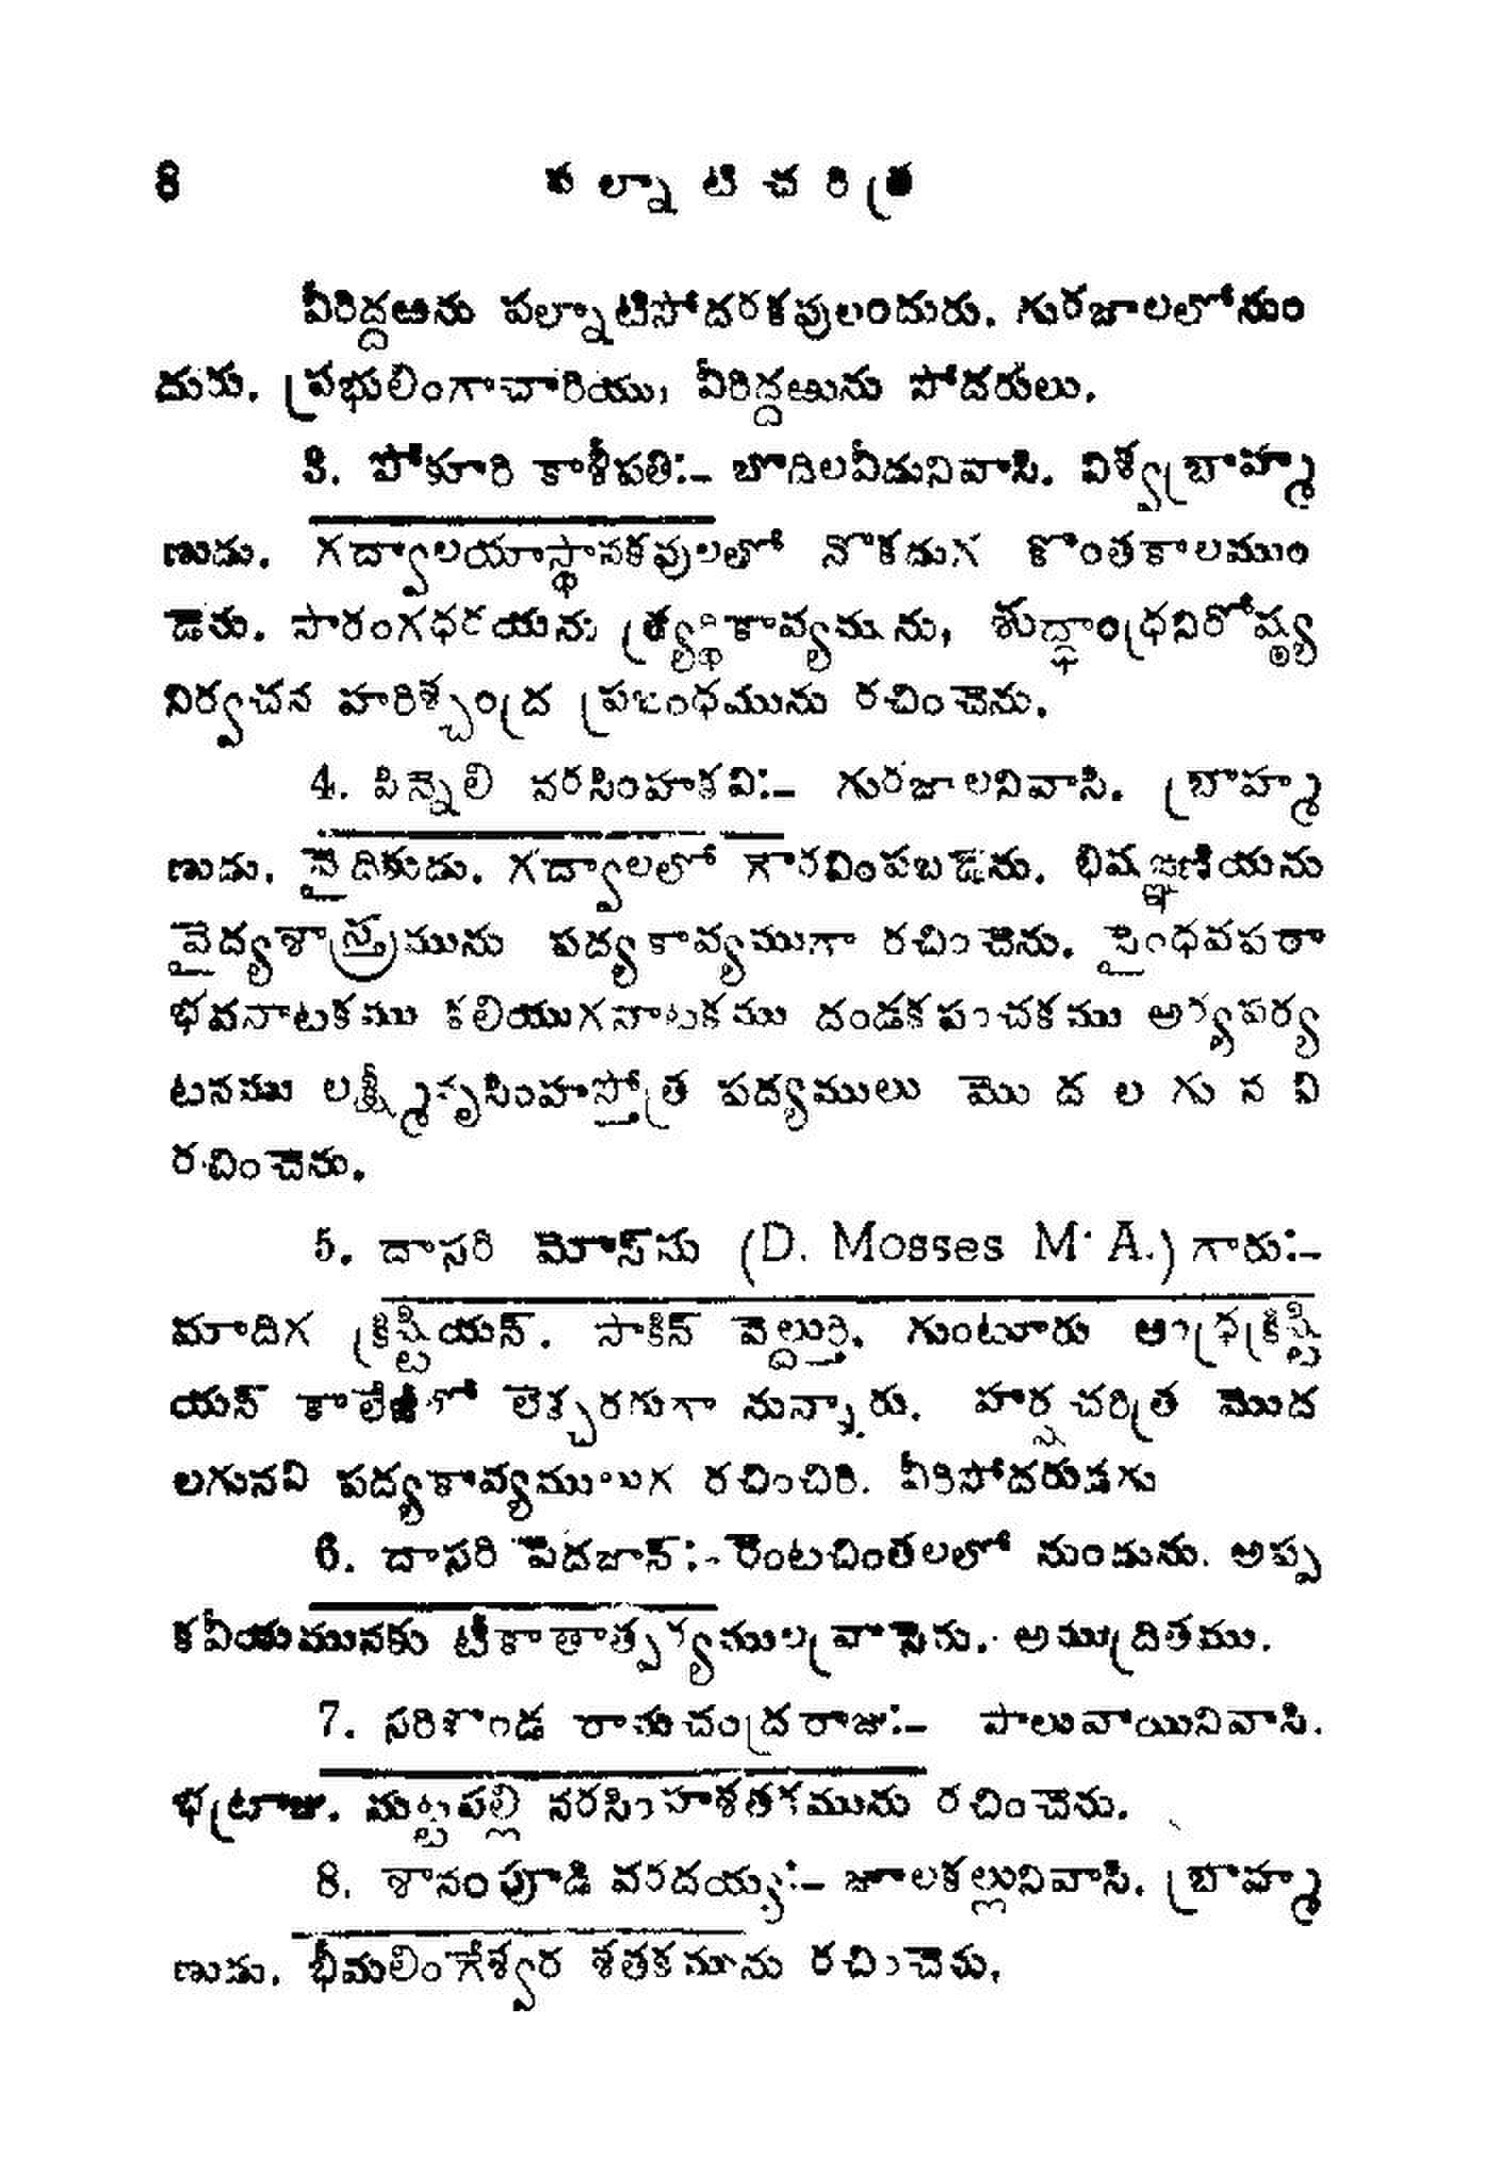వీరిద్దఱను పల్నాటిసోదరకవులందురు. గురజాలలోనుందురు. 
ప్రభులింగాచారియు, వీరిద్దఱును సోదరులు.

8. పోకూరి కాశీపతి:- బొదిలవీడునివాసి. విశ్వబ్రాహ్మణుడు. 
గద్వాలయాస్థానకవులలో నొకడుగ కొంతకాలముండెను 
సారంగధరయను త్య్రర్థికావ్యమును, శుద్ధాంధ్రనిరోష్ఠ్య
నిర్వచన హరిశ్చంద్ర ప్రబంధమును రచించెను.

4. పిన్నెలి నరసింహకవి:- గురజాలనివాసి. బ్రాహ్మణుడు, \
వైదికుడు, గద్వాలలో గౌరవింపబడెను. భీషఙ్ఞణియను
వైద్యశాస్త్రమును పద్య కావ్యముగా రచించెను. సైంధవపరాభవ 
నాటకము కలియుగనాటకము దండక పంచకము అర్యపర్యటనము 
లక్ష్మీనృసింహస్తోత్ర పద్యములు మొదలగునవి
రచించెను.

5. దాసరి మోసెసు (D. Mosses M. A.) గారు:-
మాదిగ క్రిస్టియన్ . సాకిన్ వెల్దుర్తి, గుంటూరు ఆంధ్ర క్రిష్టియన్ కాలేజీలో లెక్చరర్ గా 
నున్నారు. హర్ష చరిత్ర మొదలగునవి పద్యకావ్యములుగ రచించిరి. వీరి సోదరుడగు

6. దాసరి పెదజాన్:- రెంటచింతలలో నుండును. అప్పకవీయమునకు 
టీకాతాత్పర్యముల వ్రాసెను. అముద్రితము.

7. సరికొండ రామచంద్రరాజు:- పాలువాయినివాసి, భట్రాజు, మట్టపల్లి నరసింహశతకమును రచించెను.

8. శానంపూడి వరదయ్య:- జూలకల్లునివాసి, బ్రాహ్మణుడు, 
భీమలింగేశ్వర శతకమును రచించెను.